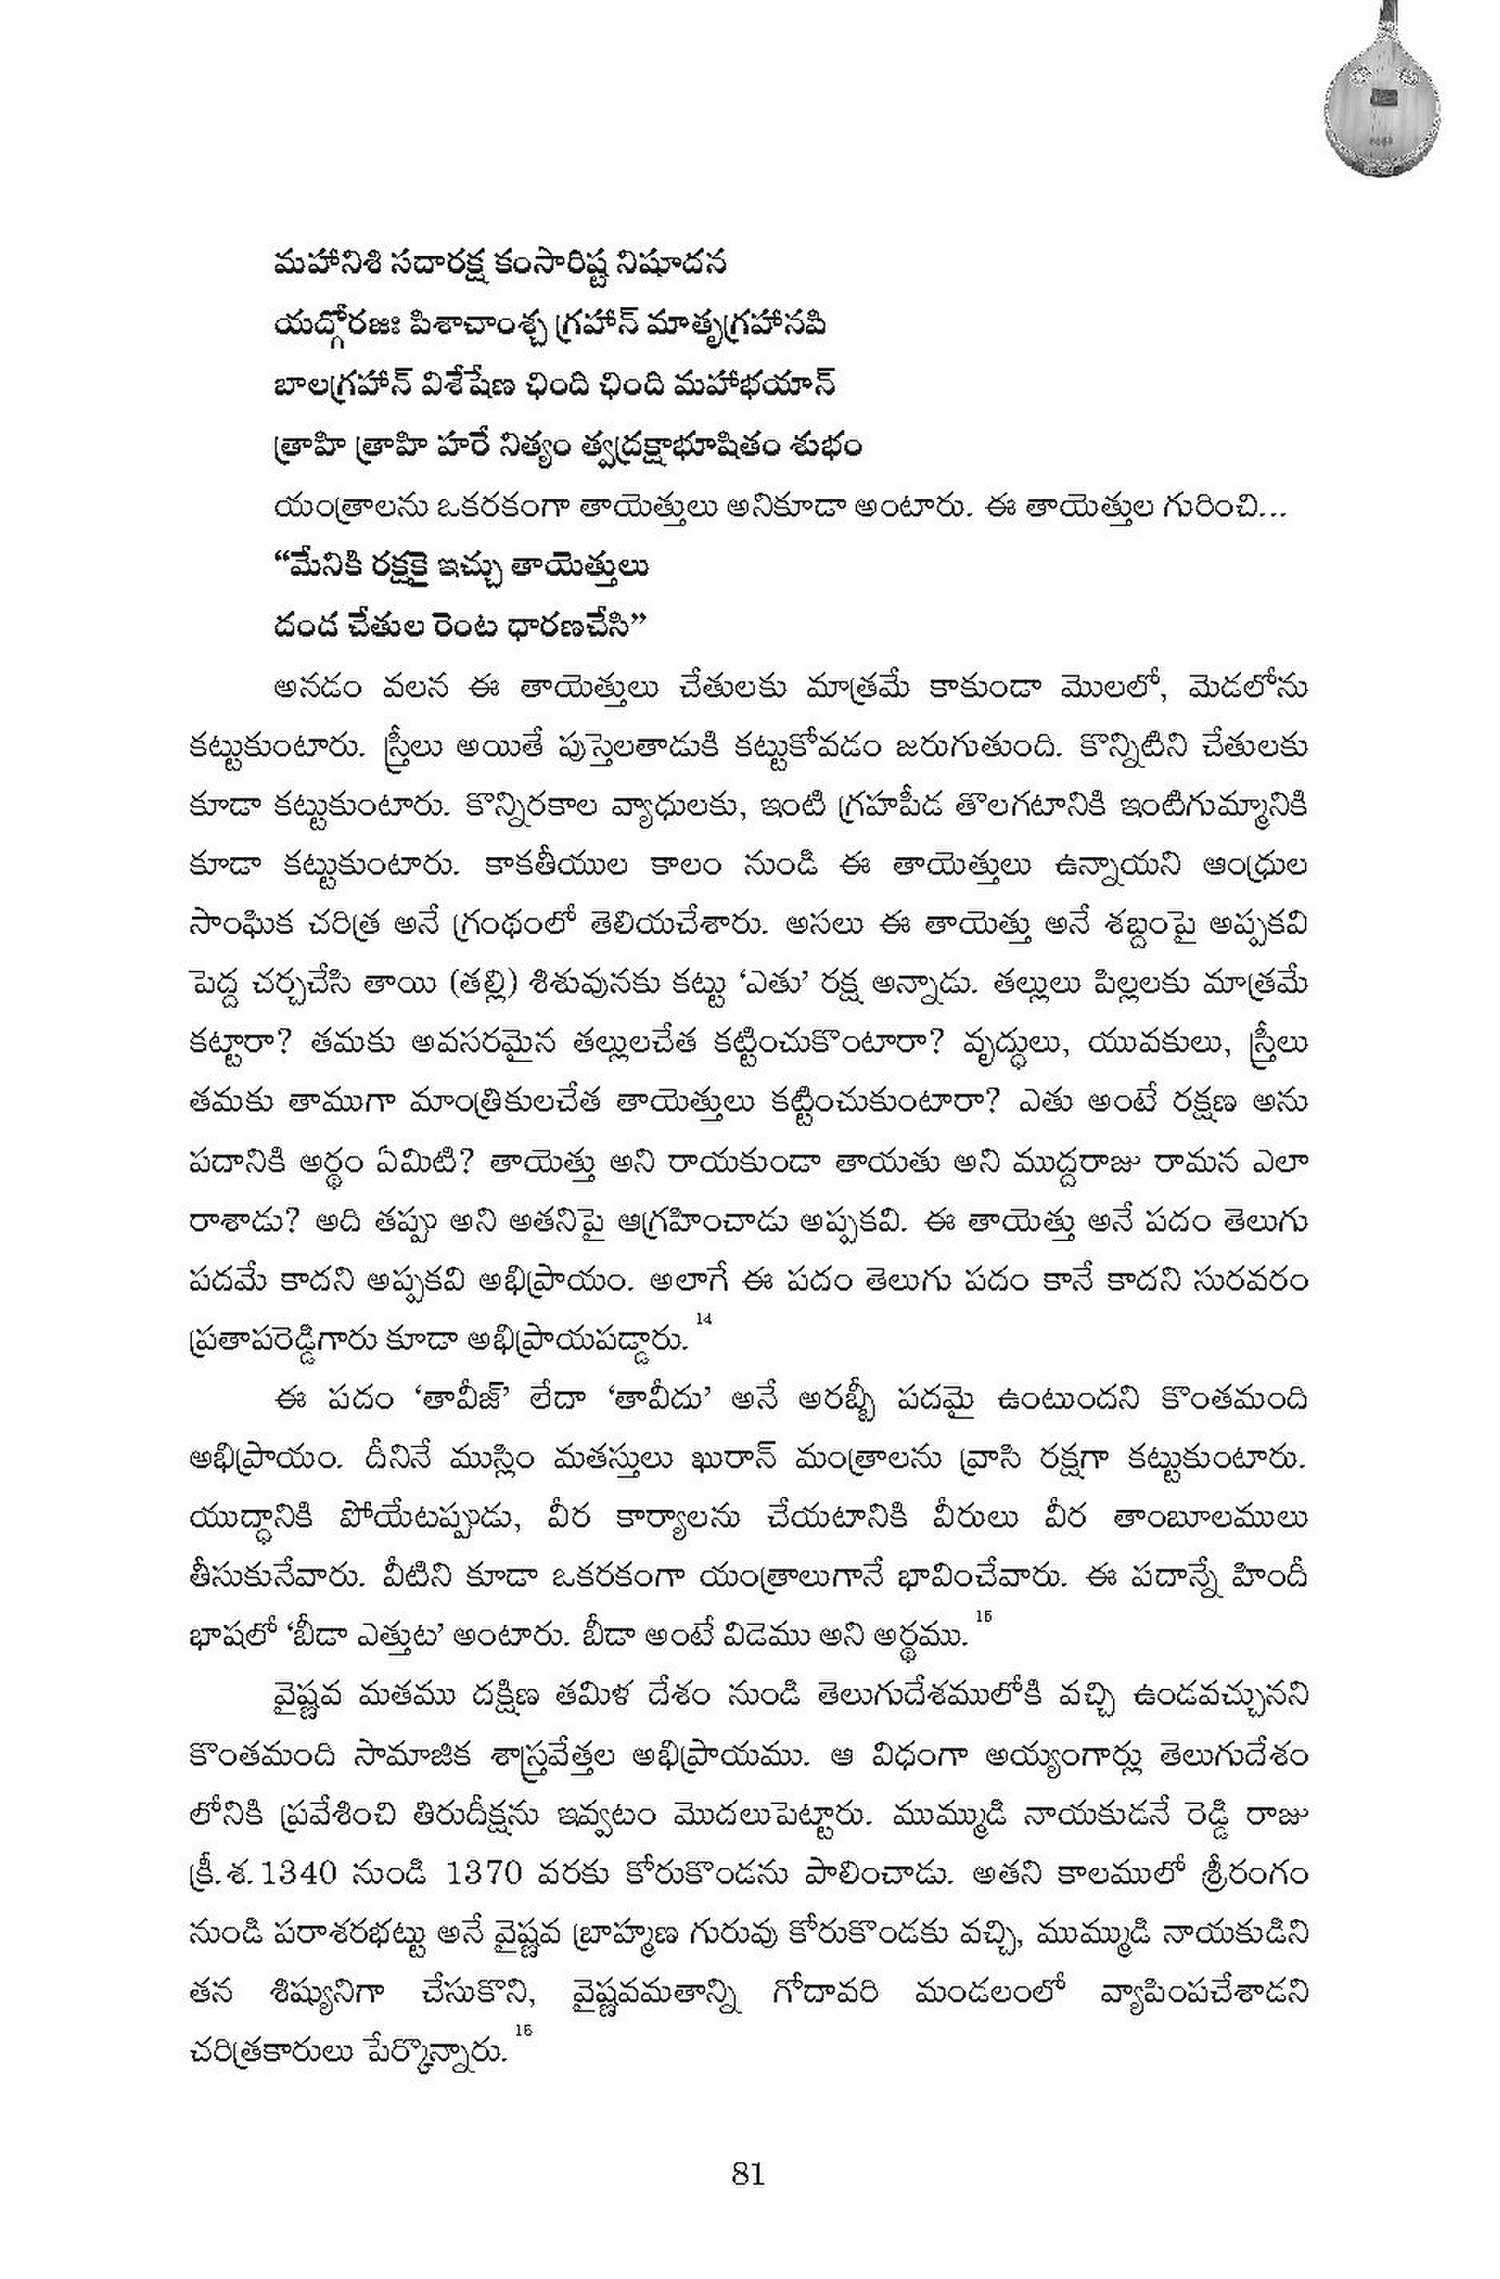మహానిశి సదారక్ష కంసారిష్ట నిషూదన
యన్గోరజః పిశాచాంశ్చ గ్రహాన్ మాతృగ్రహానపి
బాలగ్రహాన్ విశేషేణ ఛింది ఛింది మహాభయాన్
త్రాహి త్రాహి హరే నిత్యం త్వద్రక్షాభూషితం శుభం 

యంత్రాలను ఒకరకంగా తాయెత్తులు అనికూడా అంటారు. ఈ తాయెత్తుల గురించి...

"మేనికి రక్షకై ఇచ్చు తాయెత్తులు
దండ చేతుల రెంట ధారణచేసి” 

అనడం వలన ఈ తాయెత్తులు చేతులకు మాత్రమే కాకుండా మొలలో, మెడలోనుకట్టుకుంటారు. స్త్రీలు అయితే పుస్తెలతాడుకి కట్టుకోవడం జరుగుతుంది. కొన్నిటిని చేతులకు కూడా కట్టుకుంటారు. కొన్నిరకాల వ్యాధులకు, ఇంటి గ్రహపీడ తొలగటానికి ఇంటిగుమ్మానికి కూడా కట్టుకుంటారు. కాకతీయుల కాలం నుండి ఈ తాయెత్తులు ఉన్నాయని ఆంధ్రుల సాంఘిక చరిత్ర అనే గ్రంథంలో తెలియచేశారు. అసలు ఈ తాయెత్తు అనే శబ్దంపై అప్పకవి పెద్ద చర్చచేసి తాయి (తల్లి) శిశువునకు కట్టు 'ఎతు' రక్ష అన్నాడు. తల్లులు పిల్లలకు మాత్రమే కట్టారా? తమకు అవసరమైన తల్లులచేత కట్టించుకొంటారా? వృద్ధులు, యువకులు, స్త్రీలు తమకు తాముగా మాంత్రికులచేత తాయెత్తులు కట్టించు కుంటారా? ఎతు అంటే రక్షణ అను పదానికి అర్థం ఏమిటి? తాయెత్తు అని రాయకుండా తాయతు అని ముద్దరాజు రామన ఎలా రాశాడు? అది తప్పు అని అతనిపై ఆగ్రహించాడు అప్పకవి. ఈ తాయెత్తు అనే పదం తెలుగు పదమే కాదని అప్పకవి అభిప్రాయం. అలాగే ఈ పదం తెలుగు పదం కానే కాదని సురవరం ప్రతాపరెడ్డిగారు కూడా అభిప్రాయపడ్డారు 14

ఈ పదం 'తావీజ్' లేదా 'తావీదు' అనే అరబ్బీ పదమై ఉంటుందని కొంతమంది అభిప్రాయం. దీనినే ముస్లిం మతస్తులు ఖురాన్ మంత్రాలను వ్రాసి రక్షగా కట్టుకుంటారు. యుద్ధానికి పోయేటప్పుడు, వీర కార్యాలను చేయటానికి వీరులు వీర తాంబూలములు తీసుకునేవారు. వీటిని కూడా ఒకరకంగా యంత్రాలుగానే భావించేవారు. ఈ పదాన్నే హిందీ భాషలో ‘బీడా ఎత్తుట' అంటారు. బీడా అంటే విడెము అని అర్థము.15

వైష్ణవ మతము దక్షిణ తమిళ దేశం నుండి తెలుగుదేశములోకి వచ్చి ఉండవచ్చునని కొంతమంది సామాజిక శాస్త్రవేత్తల అభిప్రాయము. ఆ విధంగా అయ్యంగార్లు తెలుగుదేశం లోనికి ప్రవేశించి తిరుదీక్షను ఇవ్వటం మొదలుపెట్టారు. ముమ్ముడి నాయకుడనే రెడ్డి రాజు క్రీ.శ.1340 నుండి 1370 వరకు కోరుకొండను పాలించాడు. అతని కాలములో శ్రీరంగం నుండి పరాశరభట్టు అనే వైష్ణవ బ్రాహ్మణ గురువు కోరుకొండకు వచ్చి, ముమ్ముడి నాయకుడిని తన శిష్యునిగా చేసుకొని, వైష్ణవమతాన్ని గోదావరి మండలంలో వ్యాపింపచేశాడని చరిత్రకారులు పేర్కొన్నారు.16